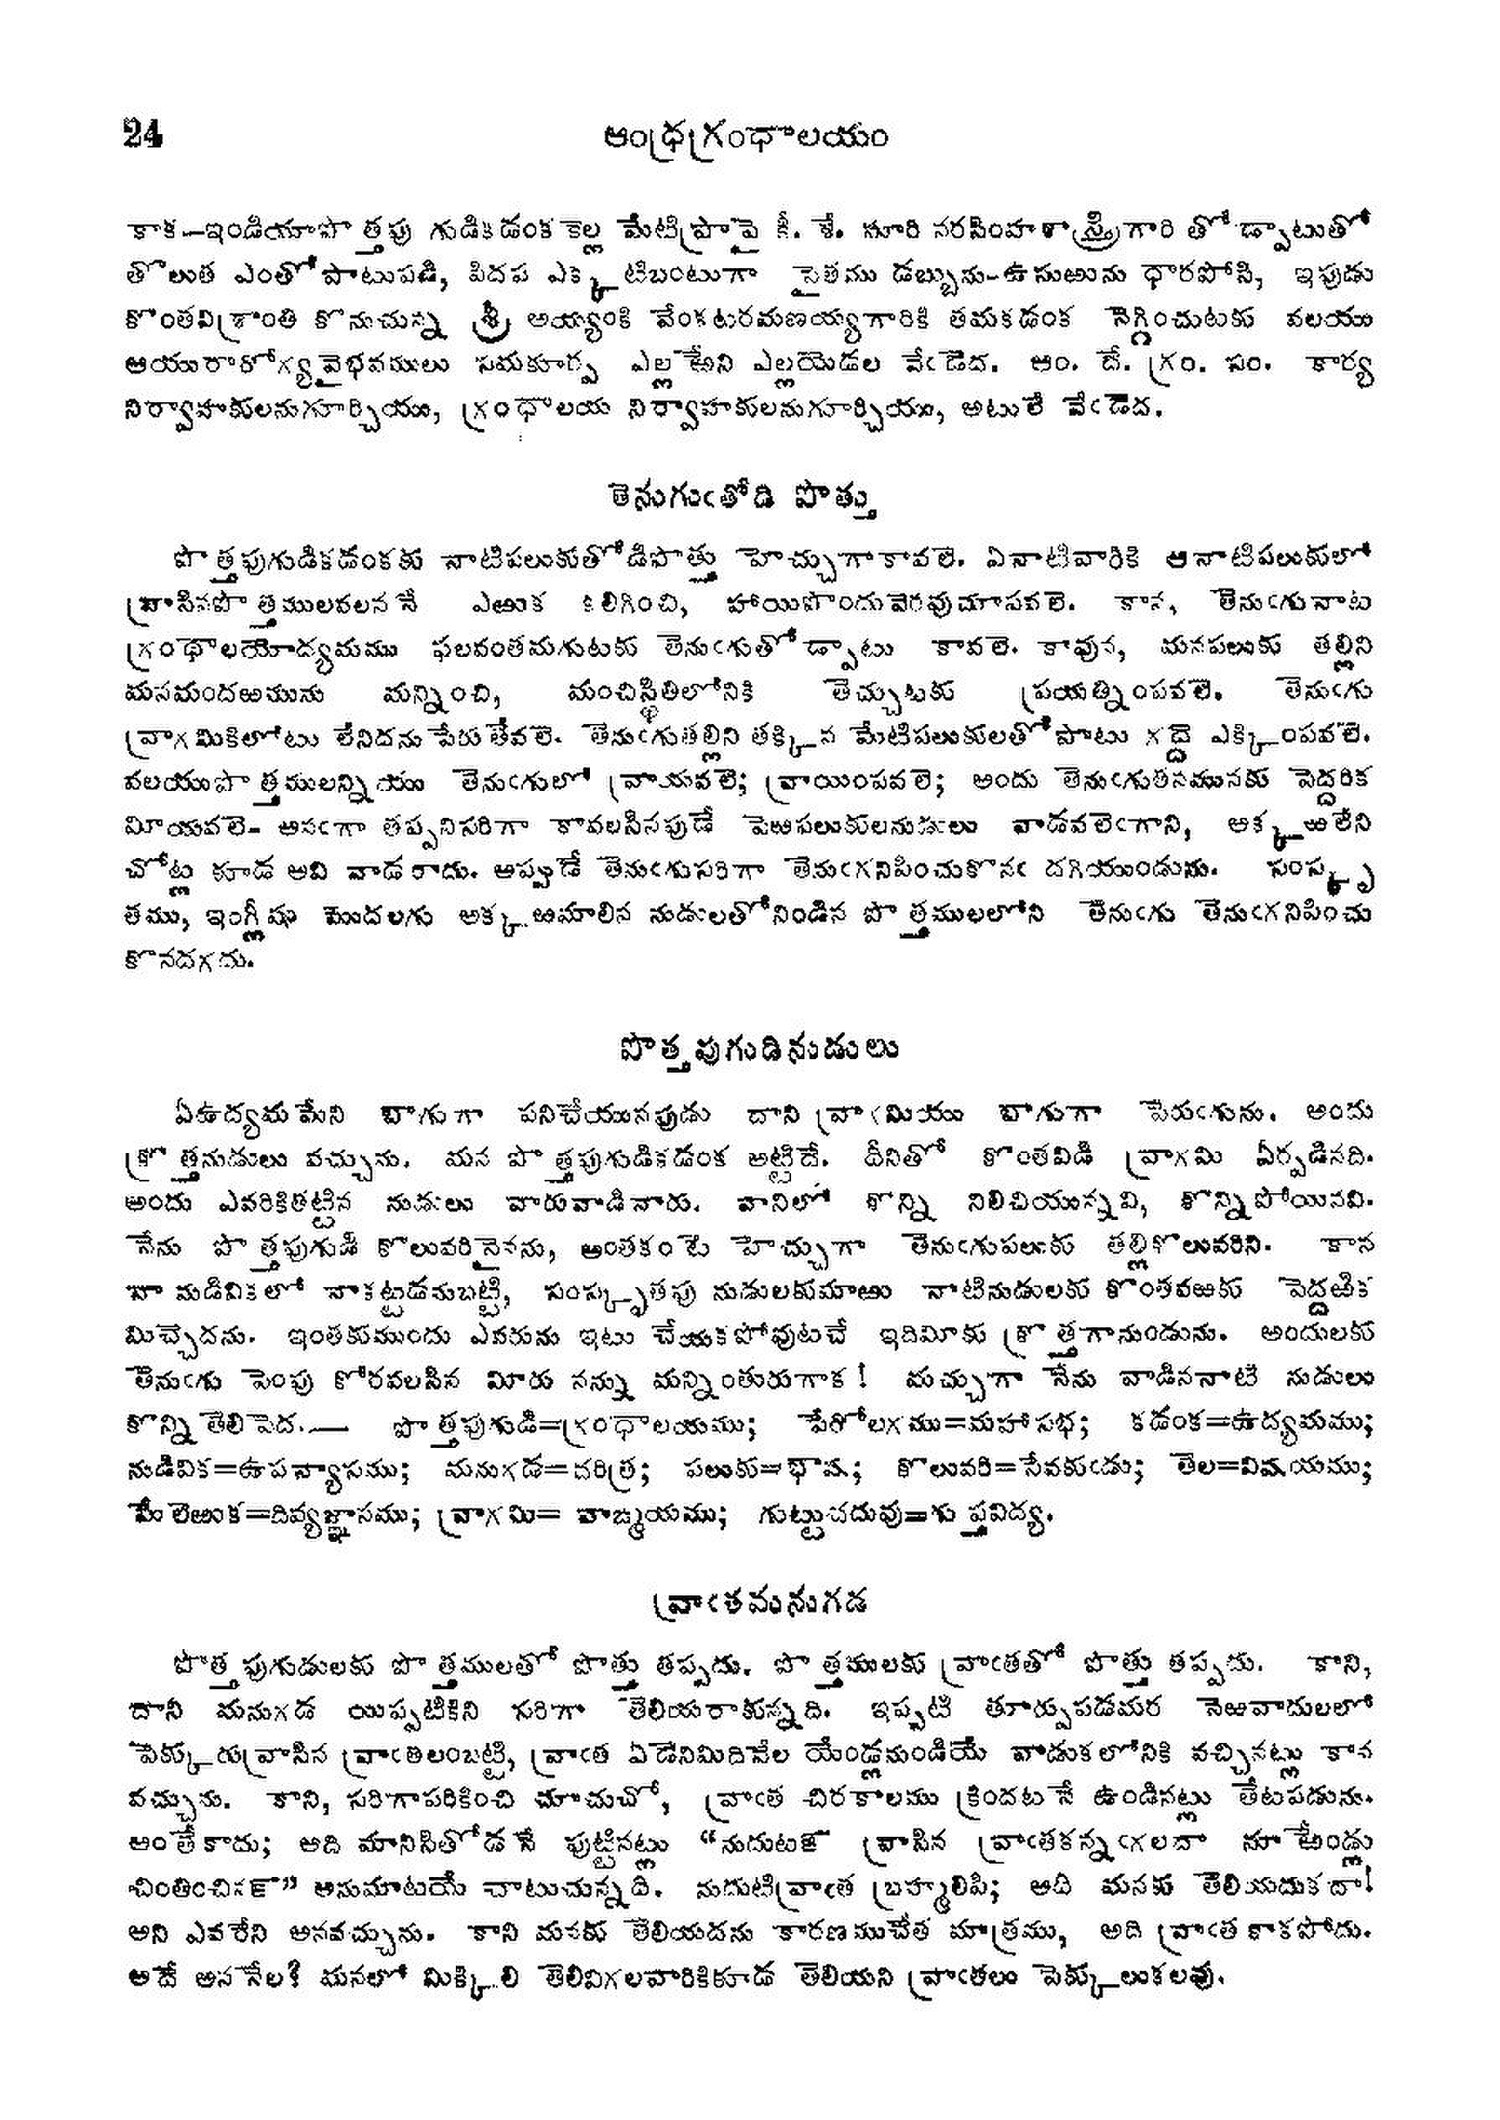కాక —ఇండియా పొత్తపు గుడికడంక కెల్ల మేటి ప్రొపై కీ. శే. నూరి నరసింహశాస్త్రిగారి తోడ్పాటుతో తొలుత ఎంతో పాటుపడి, పిదప ఎక్కటిబంటుగా సైతము డబ్బును - ఉసుఱును ధారపోసి, ఇపుడుకొంతవిశ్రాంతి కొనుచున్న శ్రీ అయ్యంకి వెంకటరమణయ్య గారికి తమకడంక నెగ్గించుటకు వలయు ఆయురారోగ్య వైభవములు సమకూర్ప ఎల్లఱేని ఎల్లయెడల వేఁడెద. ఆం. దే. గ్రం. సం. కార్య
నిర్వాహకులను గూర్చియు, గ్రంధాలయ నిర్వాహకులనుగూర్చియు, అటులే వేఁడెద.

పొత్తపుగుడికడంకకు నాటి పలుకుతోడిపొత్తు హెచ్చుగా కావలె. ఏనాటివారికి ఆనాటిపలుకులో వ్రాసిన పొత్తములవలనే ఎఱుక కలిగించి, హాయిపొందువెరవు చూపవలె. కానీ, తెనుఁగు నాట గ్రంథాలయోద్యమము ఫలవంతనుగుటకు తెనుఁగుతోడ్పాటు కావలె. కావున, మన పలుకు తల్లిని మనమందఱమును మన్నించి, మంచిస్థితిలోనికి తెచ్చుటకు ప్రయత్నింపవలె. తెనుఁగు వ్రాగమికిలోటు లేనిదను
పేరుతేవలె. తెనుఁగుతల్లిని తక్కిన మేటిపలుకులతో పాటు గద్దె ఎక్కింపవలె. వలయు పొత్తములన్నియు తెనుఁగులో వ్రాయవలె; వ్రాయింపవలె; అందు తెనుఁగుతనమునకు పెద్దరిక మీయవలె - ఆసఁగా తప్పనిసరిగా కావలసినపుడే పెఱపలుకులనుడులు 
వాడవలెఁగాని, అక్కఱలేని చోట్ల కూడ అవి వాడ రాదు. అప్పుడే తెనుఁగుసరిగా తెనుఁగనిపించుకొనఁ దగియుండును.
సంస్కృతము, ఇంగ్లీషు మొదలగు అక్కఱమాలిన నుడులతో నిండిన పొత్తములలోని తెనుఁగు తెనుఁగనిపించు కొనదగుదు. 
 
ఎఉద్యమమేని బాగుగా పనిచేయునపుడు దాని వ్రాఁమియూ బాగుగా పెరుఁగును. అందు కొత్త మడులు వచ్చును. మన 
పొత్తపుగుడికడంక అట్టిదే. దీనిలో కొంతవిడి వీరగామి ఏర్పడినది. అందు ఎవరికి తట్టిన నుడులు వారువాడినారు. వానిలో కొన్ని నిలిచియున్నవి, కొన్ని పోయినవి. నేను పొత్తపుగుడి కొలువరినైనను, అంతకంటే హెచ్చుగా తెనుఁగుపలకు తల్లికొలువరిని.
కానా నామడివికలో నాకట్టడకుబట్టి, సంస్కృతపు నుడులకుమాఱు నాటినుడులకు కొంతవఱకు పెద్దఱిక మిచ్చెదను. 
ఇంతకుముందు ఎవరును ఇటు చేయకపోవుటచే ఇదిమీకు క్రొత్తగా నుండును. అందులకు తెనుఁగు పెంపు కోరవలసిన 
మీరు నన్ను మన్నింతురుగాక! మచ్చుగా నేను వాడిననాటి నుడులు కొన్ని తెలిపెద - పొత్తపుగుడి = గ్రంధాలయము; 
పేరోలగము = మహాసభ; కడంక = ఉద్యమము; నుడివిక = ఉపన్యాసము; మనుగడ = చరిత్ర; పలుకు = భాష; 
కొలువరి = సేవకుఁడు; తెల = విషయము; మేలెఱుక = దివ్యజ్ఞాసము; వ్రాగమి = వాఙ్మయము; గుట్టుచదువు = గుప్తవిద్య.

పొత్త పుగుడులకు పొత్తములతో పొత్తు తప్పదు. పొత్తములకు వ్రాతతో పొత్తు తప్పదు. కాని, దానీ మనుగడ యిప్పటికిని 
సరిగా తెలియరాకున్నది. ఇప్పటి తూర్పుపడమర నెఱువాదులలో పెక్కు రువ్రాసిన వ్రాఁతలంబట్టి, వ్రాఁత ఏడెనిమిదివేల 
యేండ్లనుండియే వాడుకలోనికి వచ్చినట్లు కాన వచ్చును. కాని, సరిగా పరికించి చూచుచో, వ్రాఁత చిరకాలము క్రిందటనే 
ఉండినట్లు తేటపడును. అంతేకాదు; అది మానిసితోడనే పుట్టినట్లు “నుదుట౯ వ్రాసిన వ్రాఁతకన్నఁగలదా నూరేండ్లు 
చింతించిన౯" అనుమాటయే చాటుచున్నది. నుదుటి వ్రాఁత బ్రహ్మలిపి; అది మనకు తెలియదుకదా! అని ఎవరేని 
అనవచ్చును. కానీ మనకు తెలియదను కారణముచేత మాత్రము, అది వ్రాఁత కాకపోదు.అదే అన నేల? మనలో మిక్కిలి తెలివిగలవారికికూడ తెలియని వ్రాఁతలు పెక్కులుకలవు,